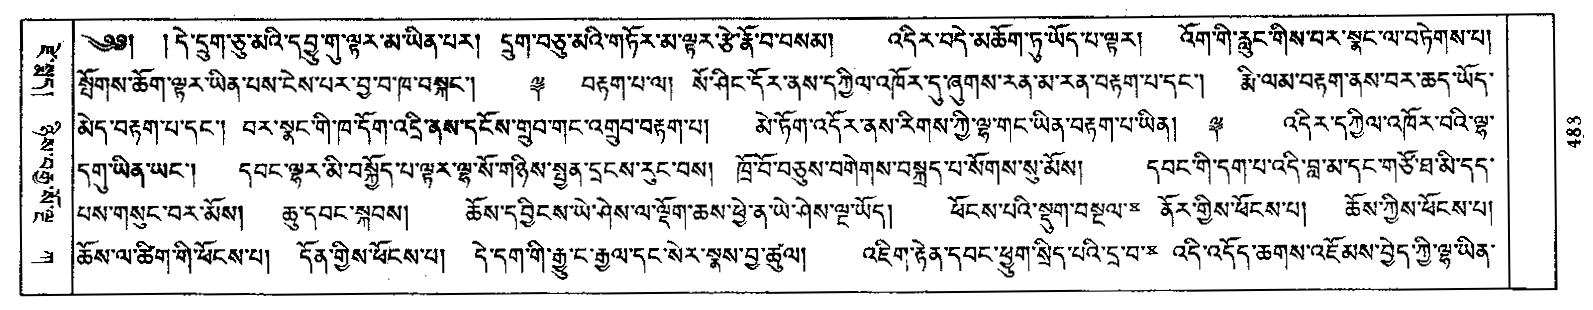༄༅། །དེ་དྲུག་ཅུ་མའི་དབྱུ་གུ་ལྟར་མ་ཡིན་པར། དྲུག་བཅུ་མའི་གཏོར་མ་ལྟར་རྩེ་རྣོ་བ་བསམ། འདིར་བདེ་མཆོག་ཏུ་ཡོད་པ་ལྟར། འོག་གི་རླུང་གིས་བར་སྣང་ལ་བཏེགས་པ།
སྤོགས་ཆོག་ལྟར་ཡིན་པས་ངེས་པར་བྱ་བ་ཁ་བསྐང་། ༈ བརྟག་པ་ལ། སོ་ཤིང་དོར་ནས་དཀྱིལ་འཁོར་དུ་ཞུགས་རན་མ་རན་བརྟག་པ་དང་། རྨི་ལམ་བརྟག་ནས་བར་ཆད་ཡོད་
མེད་བརྟག་པ་དང་། བར་སྣང་གི་ཁ་དོག་འདྲི་ནས་དངོས་གྲུབ་གང་འགྲུབ་བརྟག་པ། མེ་ཏོག་འདོར་ནས་རིགས་ཀྱི་ལྷ་གང་ཡིན་བརྟག་པ་ཡིན། ༈ འདིར་དཀྱིལ་འཁོར་བའི་ལྷ་
དགུ་ཡིན་ཡང་། དབང་ལྷར་མི་བསྐྱོད་པ་ལྟར་ལྷ་སོ་གཉིས་སྤྱན་དྲངས་རུང་བས། ཁྲོ་བོ་བཅུས་བགེགས་བསྐྲད་པ་སོགས་སུ་མོས། དབང་གི་དག་པ་འདི་བླ་མ་དང་གཙོ་ཐ་མི་དད་
པས་གསུང་བར་མོས། ཆུ་དབང་སྐབས། ཆོས་དབྱིངས་ཡེ་ཤེས་ལ་ལྡོག་ཆས་ཕྱེ་ན་ཡེ་ཤེས་ལྔ་ཡོད། ཕོངས་པའི་སྡུག་བསྔལ་྾་ནོར་གྱིས་ཕོངས་པ། ཆོས་ཀྱིས་ཕོངས་པ།
ཆོས་ལ་ཚིག་གི་ཕོངས་པ། དོན་གྱིས་ཕོངས་པ། དེ་དག་གི་རྒྱུ་ང་རྒྱལ་དང་སེར་སྣས་བྱ་ཚུལ། འཇིག་རྟེན་དབང་ཕྱུག་སྲིད་པའི་དྲ་བ་྾་འདི་འདོད་ཆགས་འཇོམས་བྱེད་ཀྱི་ལྷ་ཡིན་